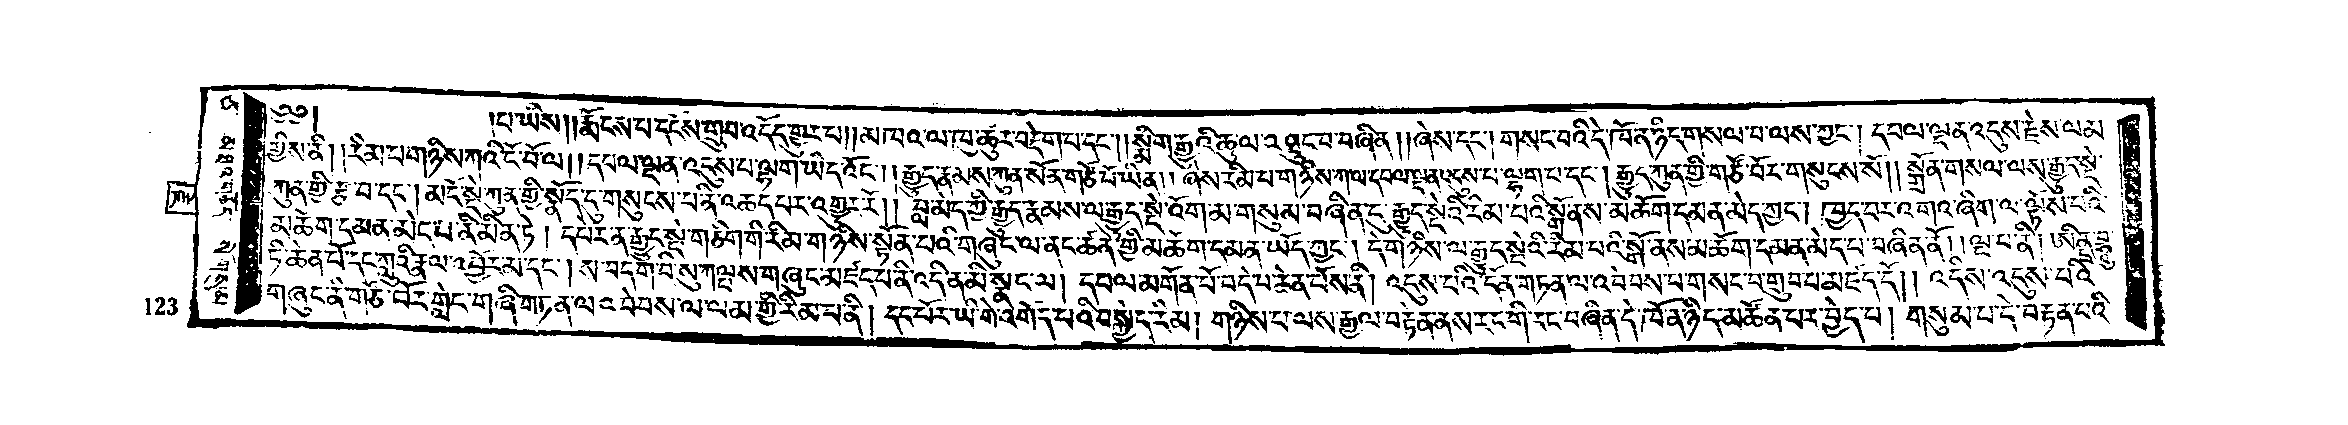༄༅། །པ་ཡིས། །རྨོངས་པ་དངོས་གྲུབ་འདོད་གྱུར་པ། །མཁའ་ལ་ཁུ་ཚུར་བརྡེག་པ་དང་། །སྨིག་རྒྱུའི་ཆུ་ལ་འཐུང་བ་བཞིན། །ཞེས་དང་། གསང་བའི་དེ་ཁོ་ན་ཉིད་གསལ་བ་ལས་ཀྱང་། དཔལ་ལྡན་འདུས་རྗེས་ལམ་
གྱིས་ནི། །རིམ་པ་གཉིས་ཀའི་ངོ་བོ་ལ། །དཔལ་ལྡན་འདུས་པ་ལྷག་ཡིད་འོང་། །རྒྱུད་རྣམས་ཀུན་སོན་གཙོ་བོ་ཡིན། །ཞེས་རིམ་པ་གཉིས་ཀ་ལ་དཔལ་ལྡན་འདུས་པ་ལྷག་པ་དང་། རྒྱུད་ཀུན་གྱི་གཙོ་བོར་གསུངས་སོ། །སྒྲོན་གསལ་ལས་རྒྱུད་སྡེ་
ཀུན་གྱི་རྩ་བ་དང་། མདོ་སྡེ་ཀུན་གྱི་སྣོད་དུ་གསུངས་པ་ནི་འཆད་པར་འགྱུར་རོ། །བླ་མེད་ཀྱི་རྒྱུད་རྣམས་ལ་རྒྱུད་སྡེ་འོག་མ་གསུམ་བཞིན་དུ་རྒྱུད་སྡེའི་རིམ་པའི་སྒོ་ནས་མཆོག་དམན་མེད་ཀྱང་། ཁྱད་པར་འགའ་ཞིག་ལ་ལྟོས་པའི་
མཆོག་དམན་མེད་པ་ནི་མིན་ཏེ། དཔེར་ན་རྒྱུད་སྡེ་གཅིག་གི་རིམ་གཉིས་སྟོན་པའི་གཞུང་ལ་ནང་ཚན་གྱི་མཆོག་དམན་ཡོད་ཀྱང་། དེ་གཉིས་ལ་རྒྱུད་སྡེའི་རིམ་པའི་སྒོ་ནས་མཆོག་དམན་མེད་པ་བཞིན་ནོ། །ལྔ་པ་ནི། ཨིནྡྲ་བྷཱུ་ཏི་ཆེན་པོ་དང་ཀླུའི་རྣལ་འབྱོར་མ་དང་། ས་བདག་བི་སུ་ཀལ་པས་གཞུང་མཛད་པ་ནི་འདི་ན་མི་སྣང་ལ། དཔལ་མགོན་པོ་བདེ་བ་ཆེན་པོས་ནི། འདུས་པའི་དོན་གཏན་ལ་འབེབས་པ་གསང་བ་གྲུབ་པ་མཛད་དོ། །འདིས་འདུས་པའི་
གཞུང་ནི་གཙོ་བོར་གླེང་གཞི་གཏན་ལ་འབེབས་ལ་ལམ་གྱི་རིམ་པ་ནི། དང་པོར་ཡི་གེ་འགོད་པའི་བསྐྱེད་རིམ། གཉིས་པ་ལས་རྒྱལ་གཞུང་ནི་གཙོ་བོར་གླེང་གཞི་གཏན་ལ་འབེབས་ལ་ལམ་གྱི་རིམ་པ་ནི། དང་པོར་ཡི་གེ་འགོད་པའི་བསྐྱེད་རིམ། གཉིས་པ་ལས་རྒྱལ་བརྟེན་ནས་རང་གི་རང་བཞིན་དེ་ཁོ་ན་ཉིད་མཚོན་པར་བྱེད་པ། གསུམ་པ་དེ་བརྟན་པའི་